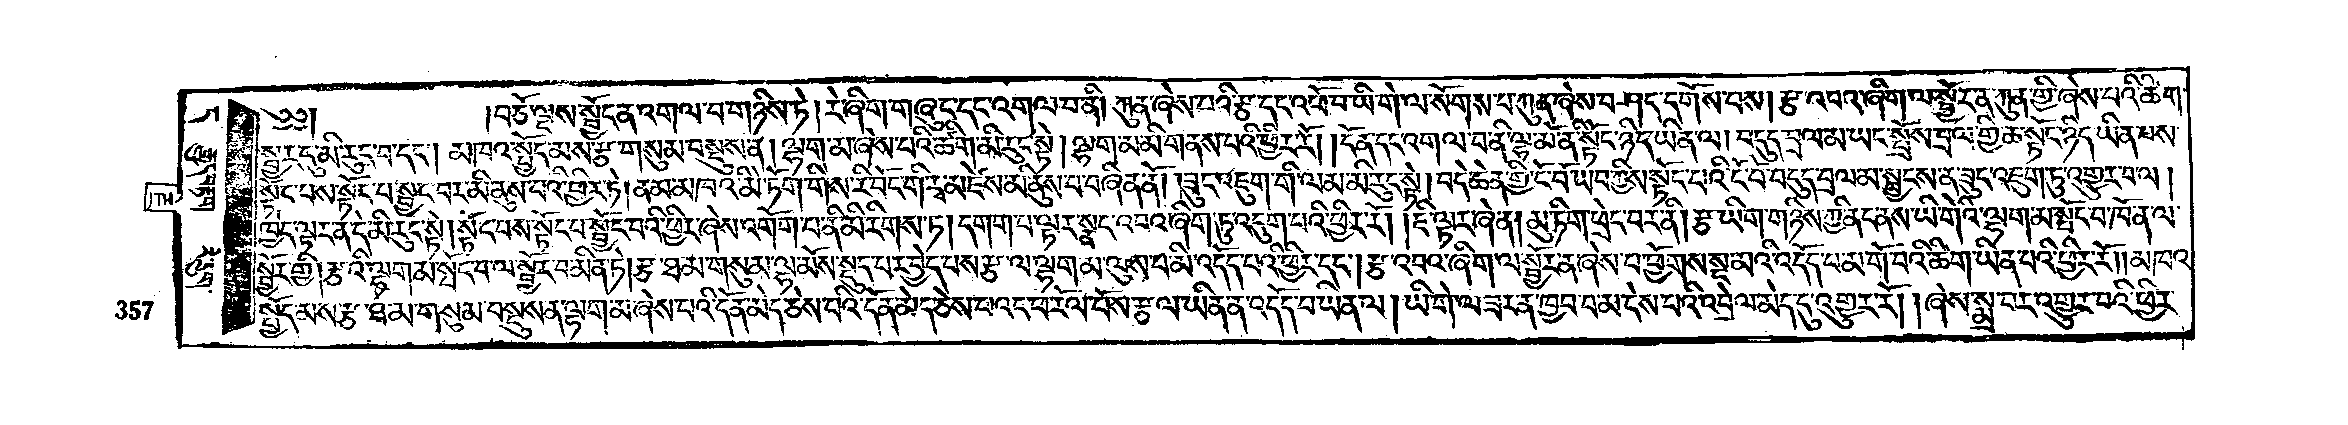༄༅། །བཅོ་ལྔས་སྦྱོང་?་ན་འགལ་བ་གཉིས་ཏེ། རེ་ཞིག་གཞུང་དང་འགལ་བ་ནི། ཀུན་ཞེས་པའི་རྩ་དང་འཕོ་བ་ཡི་གེ་ལ་སོགས་པ་ཀུན་ཞེས་བཤད་དགོས་པས། རྩ་འབའ་ཞིག་ལ་སྦྱོར་ན་ཀུན་གྱི་ཞེས་པའི་ཚིག་
སྦྱར་དུ་མི་རུང་བ་དང་། མཁའ་སྤྱོད་མས་རྩ་གསུམ་བསྡུས་ན། ལྷག་མ་ཞེས་པའི་ཚིག་མི་རུང་སྟེ། ལྷག་མ་མི་གནས་པའི་ཕྱིར་རོ། །དོན་དང་འགལ་བ་ནི་ལྷ་མོ་ནི་སྟོང་ཉིད་ཡིན་ལ། བདུད་བྲལ་མ་ཡང་སྤྲོས་བྲལ་གྱི་ཆ་སྟོང་ཉིད་ཡིན་པས་
སྟོང་པས་སྟོང་པ་སྦྱང་བར་མི་ནུས་པའི་ཕྱིར་ཏེ། ནམ་མཁའི་མེ་ཏོག་གིས་རི་བོང་གི་རྭ་མཛེས་མི་ནུས་པ་བཞིན་ནོ། །ཟུང་འཇུག་གི་ལམ་མི་རུང་སྟེ། བདེ་ཆེན་གྱི་ངོ་བོ་ཡབ་ཀྱིས་སྟོང་པའི་ངོ་བོ་བདུད་བྲལ་མ་སྦྱངས་ན་ཟུང་འཇུག་ཏུ་འགྱུར་བ་ལ།
ཁྱེད་ལྟར་ན་དེ་མི་རུང་སྟེ། སྟོང་པས་སྟོང་པ་སྦྱོང་བའི་ཕྱིར་ཞེས་འགོག་པ་ནི་མི་རིགས་ཏེ། དགག་པ་ལྟར་སྣང་འབའ་ཞིག་ཏུ་འདུག་པའི་ཕྱིར་རོ། །ཇི་ལྟར་ཞེ་ན། མུ་ཏིག་ཕྲེང་བར་ནི། རྩ་ཡིག་གཉིས་ཀྱི་ནང་ནས་ཡི་གེའི་ལྷག་མ་སྤོང་བ་ཁོ་ན་ལ་
སྦྱོར་གྱི། རྩའི་ལྷག་མ་སྤོང་བ་ལ་སྦྱོར་བ་མིན་ཏེ། རྩ་ཐ་མ་གསུམ་ལྷ་མོས་སྡུད་པར་བྱེད་པས་རྩ་ལ་ལྷག་མ་ལུས་པ་མི་འདོད་པའི་ཕྱིར་དང་། རྩ་འབའ་ཞིག་ལ་སྦྱོར་ན་ཞེས་པ་ཕྱོགས་སྔ་མའི་འདོད་པ་མ་གོ་བའི་ཚིག་ཡིན་པའི་ཕྱིར་རོ། །མཁའ་
སྤྱོད་མས་རྩ་ཐ་མ་གསུམ་བསྡུས་ན་ལྷག་མ་ཞེས་པའི་དོན་མེད་ཅེས་པའི་དོན་མེད་ཅེས་པའང་ཕ་རོལ་པོས་རྩལ་ཡིན་ན་འདོད་པ་ཡིན་ལ། ཡི་གེ་ལ་ཟར་ན་ཁྱབ་པ་མ་ངེས་པའི་འབྲེལ་མེད་དུ་འགྱུར་རོ། །ཞེས་སྨྲ་བར་འགྱུར་བའི་ཕྱིར་